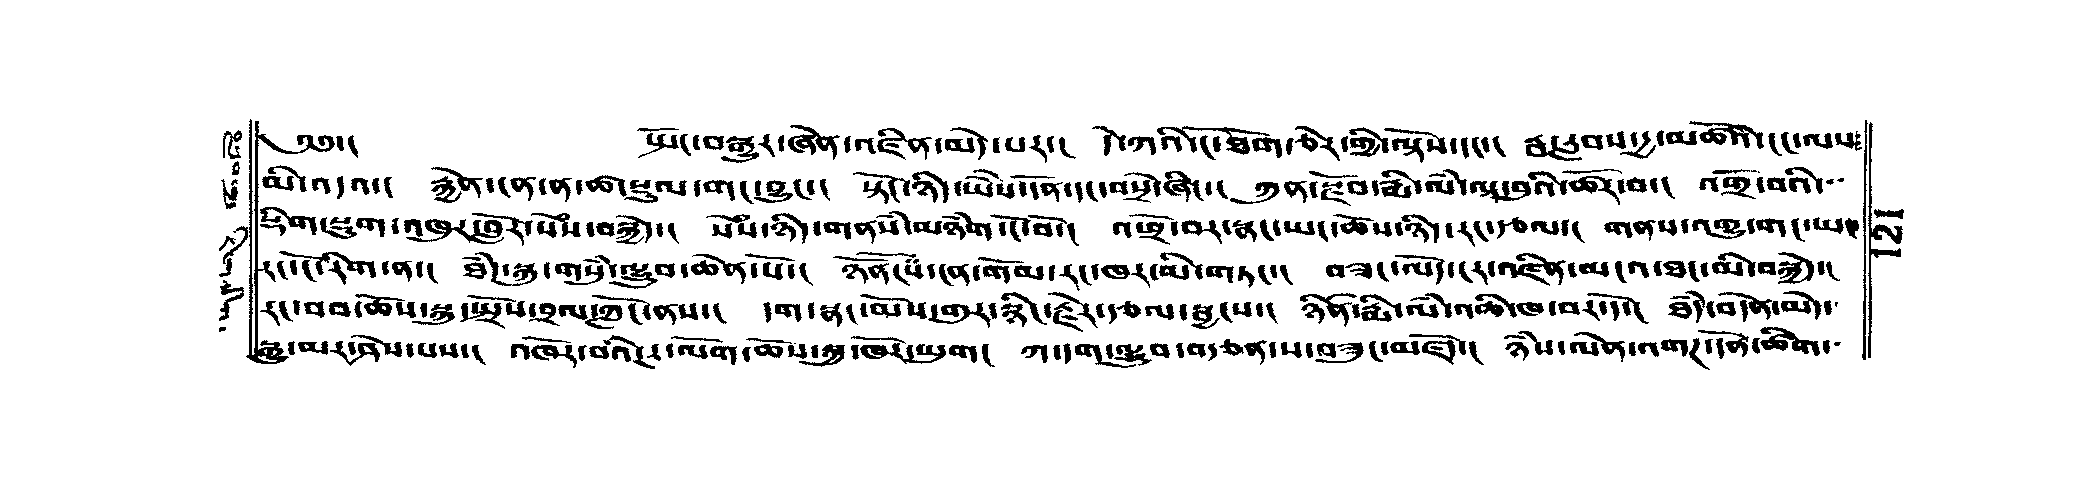སྤོང་བསྒྱུར་ཞེན་འཛིན་མེད་པར། །དེ་ཀའི་ངོ་ཐོག་ཅེར་གྱི་ལྟོས་དང་། །རྦ་རླབས་རྒྱ་མཚོའི་ངང་ལས་
མི་འདའ། །རྐྱེན་ངན་ན་ཚ་སྡུག་བསྔལ་གང་བྱུང་། །སྟོང་ཉིད་ཡེ་ཤེས་དོན་དང་བསྲེ་ཞིང་། །ཀུན་རྫོབ་རྨི་ལམ་ལྟ་བུའི་ཚོར་བ། །འགྲོ་བའི་
སྡིག་སྡུག་འཁུར་བློར་སེམས་བསྐྱེད། །སེམས་ཉིད་གནས་ལུགས་མཉམ་གཞག་ངོ་བོ། །འཕྲོ་བར་སྣང་ཡང་ཆོས་ཉིད་རང་རྩལ། །གནས་འགྱུ་གང་ཡང་
རང་ངོ་རིག་ན། །ཐམས་ཅད་སྐུ་གསུམ་ལྷུན་གྲུབ་ཆེན་པོ། །ཉོན་མོངས་ངན་གོམས་རང་གར་མི་གཏང་། །བཟང་ལོད་ངར་འཛིན་མངའ་ཐང་མི་བསྐྱེད། །
རང་བབས་ཆོས་སྐུ་སྤྲོས་བྲལ་ཀློང་ནས། །དག་སྣང་མོས་གུས་སྙིང་རྗེར་རྩལ་སྦྱངས། །ཉིན་མཚན་རྨི་ལམ་འཆི་ཁ་བར་དོ། །ཐམས་ཅད་བདེན་མེད་
སྒྱུ་མར་ཤེས་པས། །འཁོར་བའི་རུ་ལོག་ཆོས་སྐུ་ཁོར་ཡུག །ཀ་དག་ལྷུན་སྒྲུབ་བཙན་ས་བཟུང་མཛོད། །ཉམས་ལེན་འགག་དོན་ཚིག་